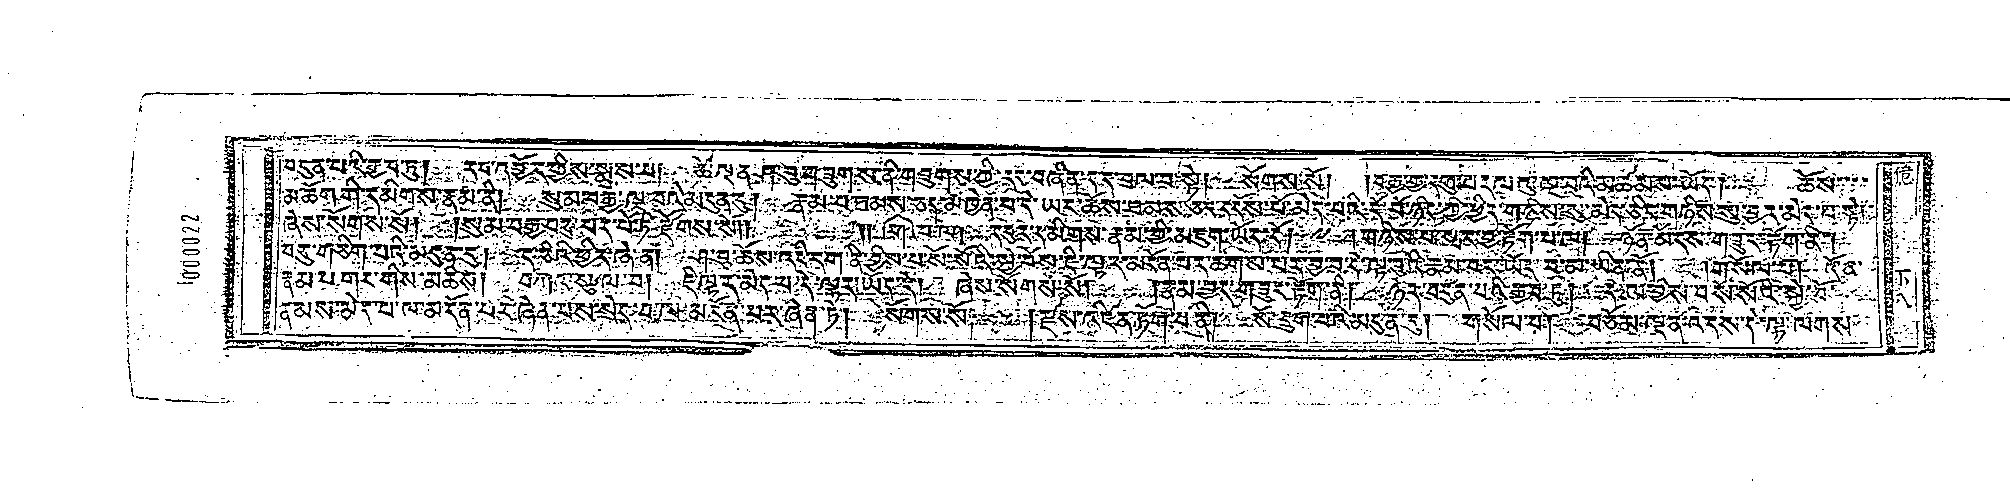བདུན་པའི་རྒྱབ་ཏུ། རབ་འབྱོར་གྱིས་སྨྲས་པ། ཚེ་ལྡན་ཤ་བུ་གཟུགས་ནི་གཟུགས་ཀྱི་རང་བཞིན་དང་བྲལ་བ་སྟེ། སོགས་སོ། །བརྒྱ་གྱ་དགུ་པར་ལེའུ་ལྔ་བའི་མཚམས་ཡོད། ཆོས་
མ་ཆོག་གི་དམིགས་རྣམ་ནི། སུམ་བརྒྱ་ལྔ་བའི་མདུན་དུ། རྣམ་པ་ཐམས་ཅད་མཁྱེན་པ་དེ་ཡང་ཆོས་ཐམས་ཅད་དངོས་པོ་མེད་པའི་ངོ་བོ་ཉིད་ཀྱི་ཕྱིར་གཉིས་སུ་མེད་ཅིང་གཉིས་སུ་བྱར་མེད་པ་སྟེ།
ཞེས་སོགས་སོ། །སུམ་བརྒྱ་བཅུ་པར་པོ་ཏི་རྫོགས་སོ།། །།ག྄་པ་ལ། དབུད་དམིགས་རྣམ་ཀྱི་མཇུག་ཡོད་དོ། ༈ །གཉིས་པ་སྤང་བྱ་རྟོག་པ་ལ། ཉོན་མོངས་གཟུང་རྟོག་ནི།
བཅུ་གཅིག་པའི་མདུན་དུ། ད་ཅིའི་ཕྱིར་ཞེ་ན། ཤ་བུ་ཆོས་འདི་དག་ནི་བྱིས་པ་སོ་སོའི་སྐྱེ་བོས་ཇི་ལྟར་མངོན་པར་ཆགས་པར་བྱ་བ་དེ་ལྟ་བུའི་རྣམ་བར་ཡོད་བ་མ་ཡིན་ནོ། །གསོལ་བ། འོ་ན་
རྣམ་པ་གང་གིས་མཆིས། བཀའ་སྩལ་བ། ཇི་ལྟར་མེད་པ་དེ་ལྟར་ཡོད་དོ། ཞེས་སོགས་སོ། །རྣམ་བྱང་གཟུང་རྟོག་ནི། ཉེར་བདུན་པའི་རྒྱབ་ཏུ། དེ་ལ་བྱིས་བ་སོ་སོའི་སྐྱེ་བོ་
རྣམས་མེད་པ་ལ་མངོན་པར་ཞེན་པས་སྲེད་པ་ལ་མངོན་པར་ཞེན་ཏེ། སོགས་སོ། །རྫས་འཛིན་ཏོག་པ་ནི། སོ་དྲུག་པའི་མདུན་དུ། གསོལ་བ། བཅོམ་ལྡན་འདས་དེ་ལྟ་ལགས་